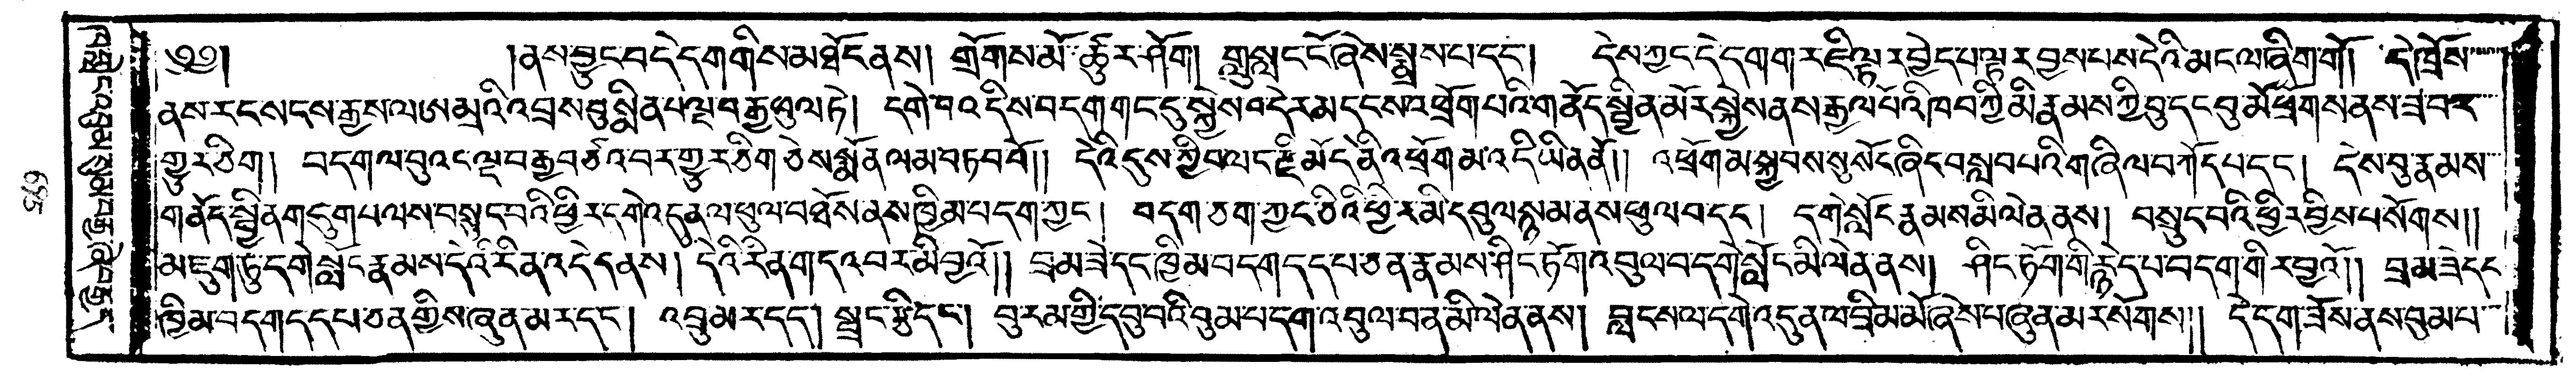༄༅། །ནས་བྱུང་བ་དེ་དག་གིས་མཐོང་ནས། གྲོགས་མོ་ཚུར་ཤོག། གླུ་སླང་ངོ་ཞེས་སྨྲས་པ་དང་། དེས་ཀྱང་དེ་དག་གར་ཇི་ལྟར་བྱེད་པ་ལྟར་བྱས་པས་དེའི་མངལ་ཞིག་གོ། དེ་ཁྲོས་
ནས་རང་སངས་རྒྱས་ལ་ཨ་མྲའི་འབྲས་བུ་སྨིན་པ་ལྔ་བརྒྱ་ཕུལ་ཏེ། དགེ་བ་འདིས་བདག་གང་དུ་སྐྱེས་བ་དེར་མདངས་འཕྲོག་པའི་གནོད་སྦྱིན་མོར་སྐྱེས་ནས་རྒྱལ་པོའི་ཁབ་ཀྱི་མི་རྣམས་ཀྱི་བུ་དང་བུ་མོ་ཕྲོགས་ནས་ཟ་བར་
གྱུར་ཅིག། བདག་ལ་བུའང་ལྔ་བརྒྱ་བཙའ་བར་གྱུར་ཅིག་ཅེས་སྨོན་ལམ་བཏབ་བོ།། དེའི་དུས་ཀྱི་བ་ལང་རྫི་མོ་དེ་ནི་འཕྲོག་མ་འདི་ཡིན་ནོ།། འཕྲོག་མ་སྐྱབས་སུ་སོང་ཞིང་བསླབ་པའི་གཞིལ་བཀོད་པ་དང་། དེས་བུ་རྣམས་
གནོད་སྦྱིན་གདུག་པ་ལས་བསྲུང་བའི་ཕྱིར་དགེ་འདུན་ལ་ཕུལ་བ་ཐོས་ནས་ཁྱིམ་བདག་ཀྱང་། བདག་ཅག་ཀྱང་ཅིའི་ཕྱིར་མི་དབུལ་སྙམ་ནས་ཕུལ་བ་དང་། དགེ་སློང་རྣམས་མི་ལེན་ནས། བསྲུང་བའི་ཕྱིར་བྱིས་པ་སོགས།།
མཇུག་ཏུ་དགེ་སློང་རྣམས་དེའི་རིན་འདེད་ནས། དེའི་རིན་གདའ་བར་མི་བྱའོ།། བྲམ་ཟེ་དང་ཁྱིམ་བདག་དད་པ་ཅན་རྣམས་ཤིང་ཏོག་འབུལ་བ་དགེ་སློང་མི་ལེན་ནས། ཤིང་ཏོག་གི་རྙེད་པ་བདག་གིར་བྱའོ།། བྲམ་ཟེ་དང་
ཁྱིམ་བདག་དད་པ་ཅན་གྱིས་ཞུན་མར་དང་། འབྲུམ་ར་དད། སྦྲང་རྩི་དང་། བུ་རམ་གྱི་དབུ་བའི་བུམ་པ་དག་འབུལ་བ་ན་མི་ལེན་ནས། བླངས་ལ་དགེ་འདུན་ལ་བྲིམ་མོ་ཞེས་པ་ཞུན་མར་སོགས།། དེ་དག་ཟོས་ནས་བུམ་པ་